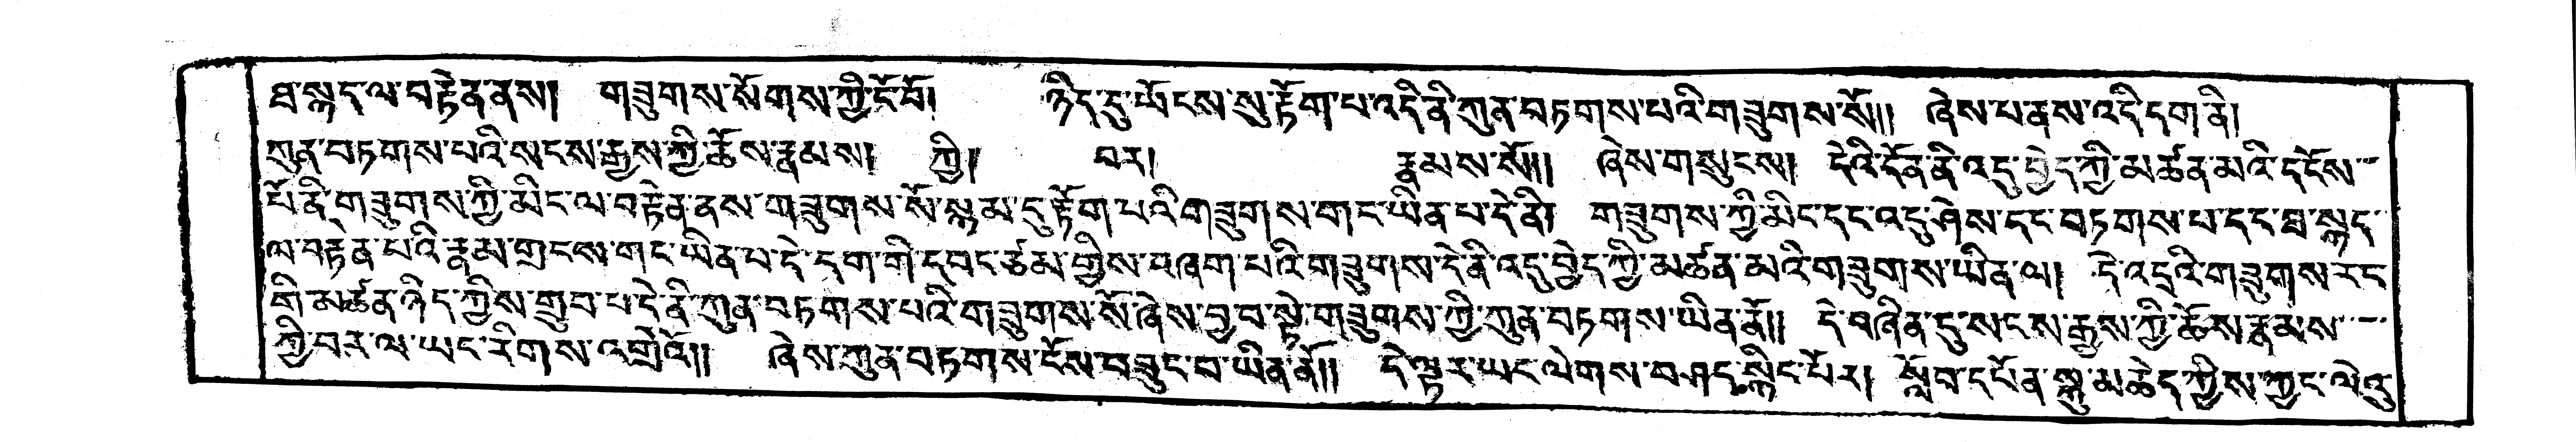ཐ་སྙད་ལ་བརྟེན་ནས། གཟུགས་སོགས་ཀྱི་ངོ་བོ། ཉིད་དུ་ཡོངས་སུ་རྟོག་པ་འདི་ནི་ཀུན་བཏགས་པའི་གཟུགས་སོ། །ཞེས་པ་ནས་འདི་དག་ནི།
ཀུན་བཏགས་པའི་སངས་རྒྱས་ཀྱི་ཆོས་རྣམས། ཀྱི། བར། རྣམས་སོ། །ཞེས་གསུངས། དེའི་དོན་ནི་འདུ་བྱེད་ཀྱི་མཚན་མའི་དངོས་
པོ་ནི་གཟུགས་ཀྱི་མིང་ལ་བརྟེན་ནས་གཟུགས་སོ་སྙམ་དུ་རྟོག་པའི་གཟུགས་གང་ཡིན་པ་དེ་ནི། གཟུགས་ཀྱི་མིང་དང་འདུ་ཤེས་དང་བཏགས་པ་དང་ཐ་སྙད་
ལ་བརྟེན་པའི་རྣམ་གྲངས་གང་ཡིན་པ་དེ་དག་གི་དབང་ཙམ་གྱིས་བཞག་པའི་གཟུགས་དེ་ནི་འདུ་བྱེད་ཀྱི་མཚན་མའི་གཟུགས་ཡིན་ལ། དེ་འདྲའི་གཟུགས་རང་
གི་མཚན་ཉིད་ཀྱིས་གྲུབ་པ་དེ་ནི་ཀུན་བཏགས་པའི་གཟུགས་སོ་ཞེས་བྱ་བ་སྟེ་གཟུགས་ཀྱི་ཀུན་བཏགས་ཡིན་ནོ། །དེ་བཞིན་དུ་སངས་རྒྱས་ཀྱི་ཆོས་རྣམས་
ཀྱི་བར་ལ་ཡང་རིགས་འགྲེའོ། །ཞེས་ཀུན་བཏགས་ངོས་བཟུང་བ་ཡིན་ནོ། །དེ་ལྟར་ཡང་ལེགས་བཤད་སྙིང་པོར། སློབ་དཔོན་སྐུ་མཆེད་ཀྱིས་ཀྱང་ལེའུ་